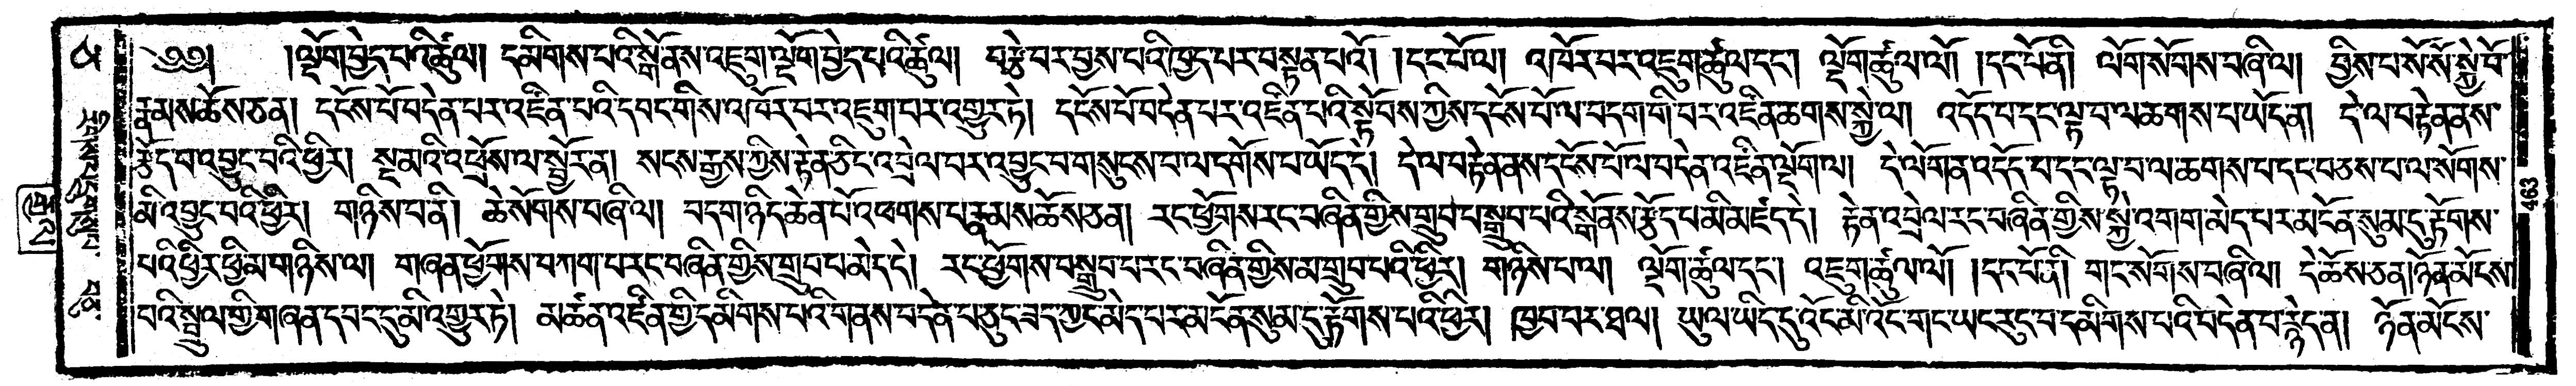༄༅། །ལྡོག་བྱེད་པའི་ཚུལ། དམིགས་པའི་སྒོ་ནས་འཇུག་ལྡོག་བྱེད་པའི་ཚུལ། བརྩེ་བར་བྱས་པའི་ཁྱད་པར་བསྟན་པའོ། །དང་པོ་ལ། འཁོར་བར་འཇུག་ཚུལ་དང་། ལྡོག་ཚུལ་ལོ། །དང་པོ་ནི། ལོག་སོགས་བཞི་ལ། བྱིས་པ་སོ་སོ་སྐྱེ་བོ་
རྣམས་ཆོས་ཅན། དངོས་པོ་བདེན་པར་འཛིན་པའི་དབང་གིས་འཁོར་བར་འཇུག་པར་འགྱུར་ཏེ། དངོས་པོ་བདེན་པར་འཛིན་པའི་སྟོབས་ཀྱིས་དངོས་པོ་ལ་བདག་གི་བར་འཛིན་ཆགས་སྐྱེ་ལ། འདོད་པ་དང་ལྟ་བ་ལ་ཆགས་པ་ཡོད་ན། དེ་ལ་བརྟེན་ནས་
རྩོད་པ་འབྱུང་བའི་ཕྱིར། སྔ་མའི་འཕྲོས་ལ་སྦྱོར་ན། སངས་རྒྱས་ཀྱིས་རྟེན་ཅིང་འབྲེལ་བར་འབྱུང་བ་གསུངས་པ་ལ་དགོས་པ་ཡོད་དེ། དེ་ལ་བརྟེན་ནས་དངོས་པོ་ལ་བདེན་འཛིན་ལྡོག་ལ། དེ་ལོག་ན་འདོད་པ་དང་ལྟ་བ་ལ་ཆགས་པ་དང་བཅས་པ་ལ་སོགས་
མི་འབྱུང་བའི་ཕྱིར། གཉིས་པ་ནི། ཆེ་སོགས་བཞི་ལ། བདག་ཉིད་ཆེན་པོ་འཕགས་པ་རྣམས་ཆོས་ཅན། རང་ཕྱོགས་རང་བཞིན་གྱིས་གྲུབ་པ་སྒྲུབ་པའི་སྒོ་ནས་རྩོད་པ་མི་མཛད་དེ། རྟེན་འབྲེལ་རང་བཞིན་གྱིས་སྐྱེ་འགག་མེད་པར་མངོན་སུམ་དུ་རྟོགས་
པའི་ཕྱིར་ཕྱི་མ་གཉིས་ལ། གཞན་ཕྱོགས་བཀག་པ་རང་བཞིན་གྱིས་གྲུབ་པ་མེད་དེ། རང་ཕྱོགས་བསྒྲུབ་པ་རང་བཞིན་གྱིས་མ་གྲུབ་པའི་ཕྱིར། གཉིས་པ་ལ། ལྡོག་ཚུལ་དང་། འཇུག་ཚུལ་ལོ། །དང་པོ་ནི། གང་སོགས་བཞི་ལ། དེ་ཆོས་ཅན། ཉོན་མོངས་
པའི་སྤྲུལ་གྱི་གཞན་དབང་དུ་མི་འགྱུར་ཏེ། མཚན་འཛིན་གྱི་དམིགས་པའི་གནས་བདེན་པ་ཅུང་ཟད་ཀྱང་མེད་པར་མངོན་སུམ་དུ་རྟོགས་པའི་ཕྱིར། ཁྱབ་པར་ཐལ། ཡུལ་ཡིད་དུ་འོང་མི་འོང་གང་ཡང་རུང་བ་དམིགས་པའི་བདེན་པ་རྙེད་ན། ཉོན་མོངས་